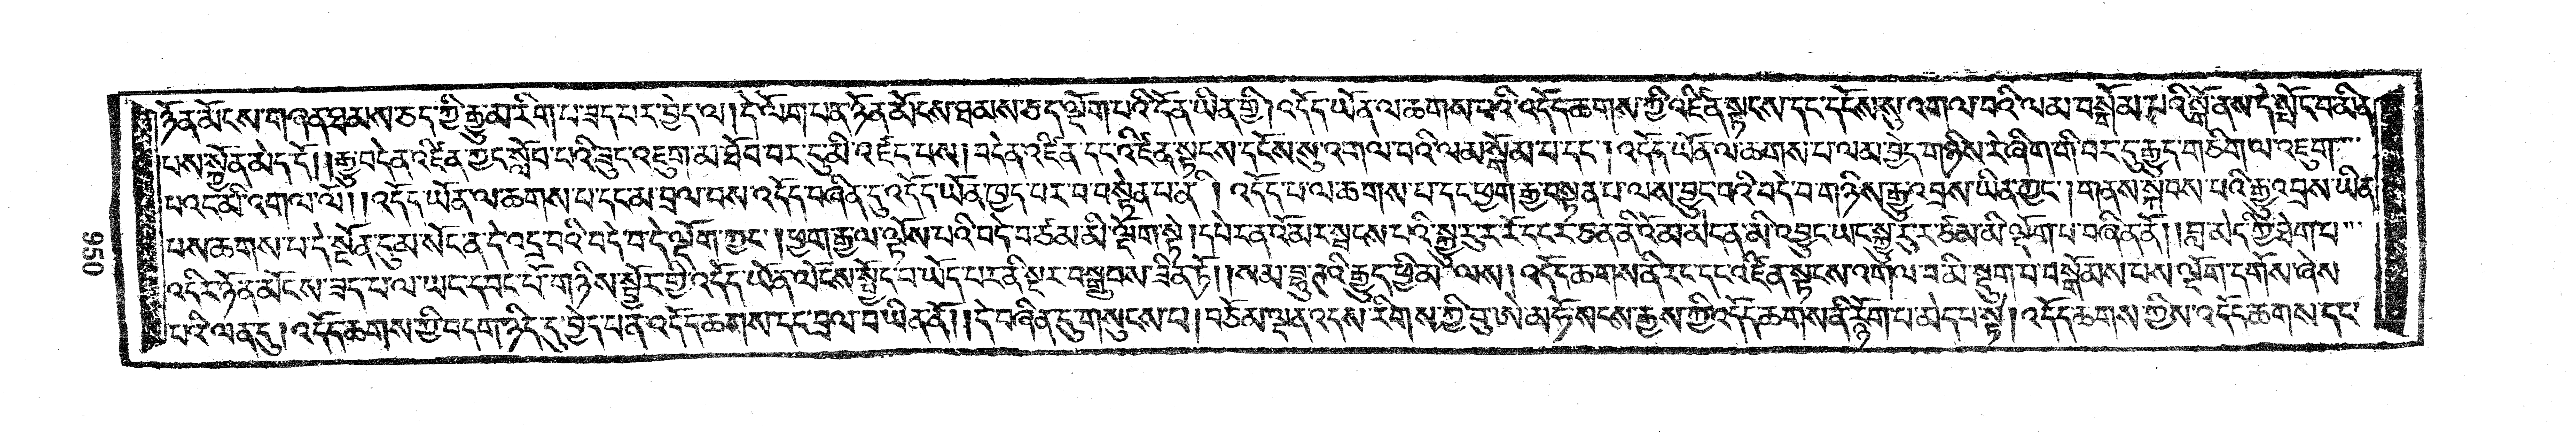ཉོན་མོངས་གཞན་ཐམས་ཅད་ཀྱི་རྒྱུ་མ་རིག་པ་ཟད་པར་བྱེད་ལ། དེ་ལོག་པ་ན་ཉོན་མོངས་ཐམས་ཅད་ལྡོག་པའི་དོན་ཡིན་གྱི། འདོད་ཡོན་ལ་ཆགས་པའི་འདོད་ཆགས་ཀྱི་འཛིན་སྟངས་དང་དངོས་སུ་འགལ་བའི་ལམ་བསྒོམ་པའི་སྒོ་ནས་དེ་སྤོང་བ་མིན་
པས་སྐྱོན་མེད་དོ། །རྒྱུ་བདེན་འཛིན་ཀྱང་སློབ་པའི་ཟུང་འཇུག་མ་ཐོང་བར་དུ་མི་འཛད་པས། བདེན་འཛིན་དང་འཛིན་སྟངས་དངོས་སུ་འགལ་བའི་ལམ་སྒོམ་པ་དང་། འདོད་ཡོན་ལ་ཆགས་པ་ལམ་བྱེད་གཉིས་རེ་ཞིག་གི་བར་དུ་རྒྱུད་གཅིག་ལ་འཇུག་
པའང་མི་འགལ་ལོ། །འདོད་ཡོན་ལ་ཆགས་པ་དང་མ་བྲལ་བས་འདོད་བཞིན་དུ་འདོད་ཡོན་ཁྱད་པར་བ་བསྟེན་པ་ནི། འདོད་པ་ལ་ཆགས་པ་དང་ཕྱག་རྒྱ་བསྟེན་པ་ལས་བྱུང་བའི་བདེ་བ་གཉིས་རྒྱུ་འབྲས་ཡིན་ཀྱང་། གནས་སྐབས་པའི་རྒྱུ་འབྲས་ཡིན་
པས་ཆགས་པ་དེ་སྔོན་དུ་མ་སོང་ན་དེ་འདྲ་བའི་བདེ་བ་དེ་ལྡོག་ཀྱང་། ཕྱག་རྒྱ་ལ་ལྟོས་པའི་བདེ་བ་ཙམ་མི་ལྡོག་སྟེ། དཔེར་ན་འོ་མར་སྦངས་པའི་སྐྱུ་རུ་ར་རོ་དང་ར་ཅན་ནི་འོ་མ་མེད་ན་མི་འབྱུང་ཡང་སྐྱུ་རུ་ར་ཅམ་མི་ལྡོག་པ་བཞིན་ནོ། །བླ་མེད་ཀྱི་ཐེག་པ་
འདིར་ཉོན་མོངས་ཟད་པ་ལ་ཡང་དབང་པོ་གཉིས་སྦྱོར་གྱི་འདོད་ཡོན་ལོངས་སྤྱོད་པ་ཡོད་པར་ནི་སྔར་བསྒྲུབས་ཟིན་ཏོ། །སམ་བྷུ་ཊའི་རྒྱུད་ཕྱི་མ་ལས། འདོད་ཆགས་ནི་རང་དང་འཛིན་སྟངས་འགལ་བ་མི་སྡུག་པ་བསྒོམས་པས་ལྡོག་དགོས་ཞེས་
པའི་ལན་དུ། འདོད་ཆགས་ཀྱི་བདག་ཉིད་དུ་བྱེད་པ་ན་འདོད་ཆགས་དང་བྲལ་བ་ཡིན་ནོ། །དེ་བཞིན་དུ་གསུངས་པ། བཅོམ་ལྡན་འདས་རིགས་ཀྱི་བུ་ཨེ་མ་ཧོ་སངས་རྒྱས་ཀྱི་འདོད་ཆགས་ནི་རྙོག་པ་མེད་པ་སྟེ། འདོད་ཆགས་ཀྱིས་འདོད་ཆགས་དང་